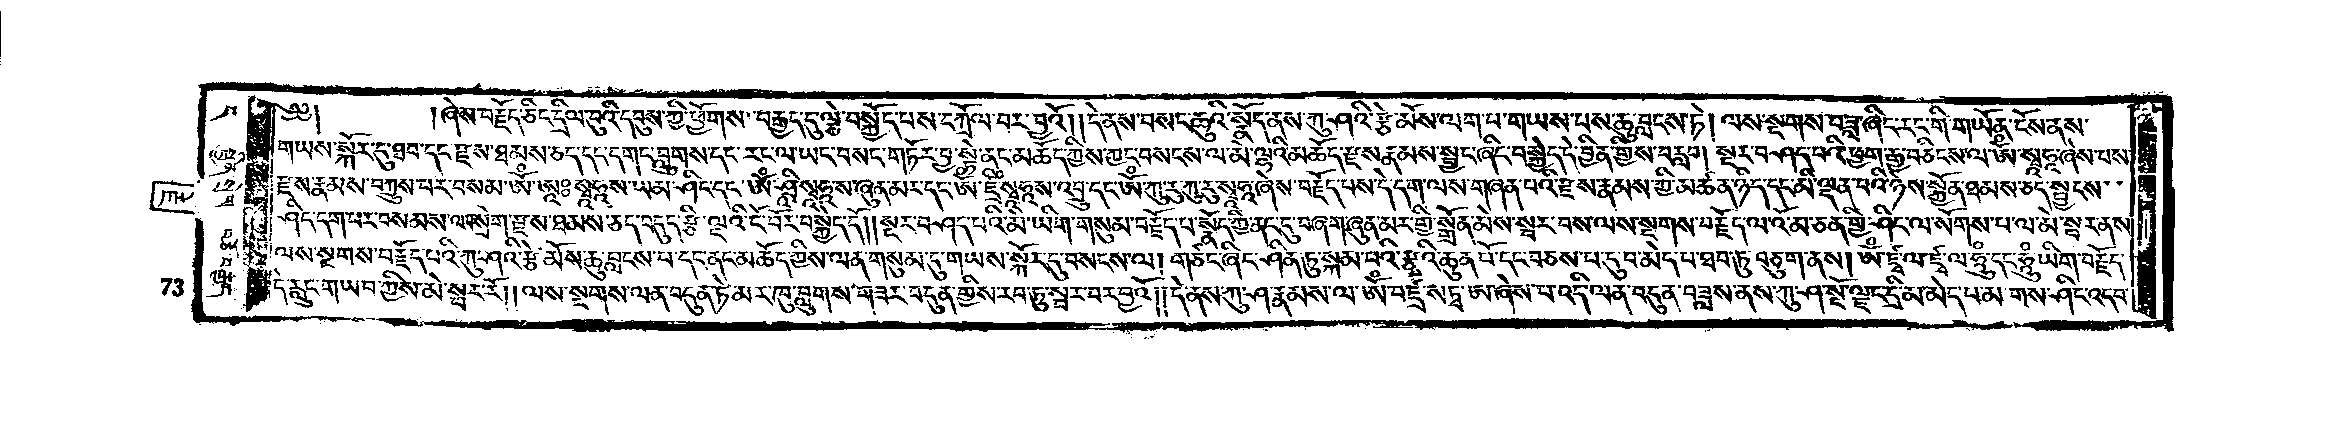༄༅། །ཞེས་བརྗོད་ཅིང་དྲིལ་བུའི་དབུས་ཀྱི་ཕྱོགས་བརྒྱད་དུ་ལྕེ་བསྐྱོད་པས་དཀྲོལ་བར་བྱའོ། །དེ་ནས་བསང་ཆུའི་སྣོད་ནས་ཀུ་ཤའི་རྩེ་མོས་ལག་པ་གཡས་པས་ཆུ་བླངས་ཏེ། ལས་སྔགས་བཟླ་ཞིང་རང་གི་གཡོན་ངོས་ནས་
གཡས་སྐོར་དུ་ཐབ་དང་རྫས་ཐམས་ཅད་དང་དགང་བླུགས་དང་རང་ལ་ཡང་བསང་གཏོར་བྱ་སྟེ་ནང་མཆོད་ཀྱིས་ཀྱང་བསངས་ལ་མེ་ལྷའི་མཆོད་རྫས་རྣམས་སྦྱང་ཞིང་བསྐྱེད་དེ་བྱིན་གྱིས་བརླབ། སྔར་བཤད་པའི་ཕྱག་རྒྱ་བཅིངས་ལ་ཨོཾ་སྭཱཧཱ་ཞེས་པས་
རྫས་རྣམས་བཀྲུས་པར་བསམ་ཨོཾ་ཨཱཿ སྭཱཧཱ་ས་ཡམ་ཤིང་དང་ཨོཾ་ཤྲཱི་སྭཱཧཱ་ས་ཞུན་མར་དང་ཨོཾ་ཛྲིཾ་སྭཱཧཱ་ས་འབྲུ་དང་ཨོཾ་ཀུ་རུ་ཀུ་རུ་སྭཱཧཱ་ཞེས་བརྗོད་པས་དེ་དག་ལས་གཞན་པའི་རྫས་རྣམས་ཀྱི་མཚན་ཉིད་དང་མི་ལྡན་པའི་ཉེས་སྐྱོན་ཐམས་ཅད་སྦྱངས་
ཤིང་དག་པར་བསམས་ལ་བསྲེག་རྫས་ཐམས་ཅད་བདུད་རྩི་ལྔའི་ངོ་བོར་བསྐྱེད་དོ། །སྔར་བཤད་པའི་མེ་ཡིག་གསུམ་བརྗོད་པ་སྣོད་ཀྱི་ནང་དུ་བཞག་ཞུན་མར་གྱི་སྒྲོན་མེས་སྦར་བས་ལས་སྔགས་བརྗོད་ལ་འོ་མ་ཅན་གྱི་ཤིང་ལ་སོགས་པ་ལ་མེ་སྦར་ནས་
ལས་སྔགས་བརྗོད་པའི་ཀུ་ཤའི་རྩེ་མོས་ཆུ་བླངས་པ་དང་ནང་མཆོད་ཀྱིས་ལན་གསུམ་དུ་གཡས་སྐོར་དུ་བསངས་ལ། གཙང་ཞིང་ཤིན་ཏུ་སྐམ་པའི་རྩྭའི་ཆུན་པོ་དང་བཅས་པ་དུ་བ་མེད་པ་ཐབ་ཏུ་བཅུག་ནས། ཨོཾ་ཛྭ་ལ་ཛྭ་ལ་ཧཱུཾ་དང་ཧཱུཾ་ཡིག་བརྗོད་
དེ་རླུང་གཡབ་ཀྱིས་མེ་སྦར་རོ། །ལས་སྔགས་ལན་བདུན་ཏེ་མར་ཁུ་བླུགས་གཟར་བདུན་གྱིས་རབ་ཏུ་སྦར་བར་བྱའོ། །དེ་ནས་ཀུ་ཤ་རྣམས་ལ་ཨོཾ་བཛྲ་སཏྭ་ཨ་ཞེས་པ་འདི་ལན་བདུན་བཟླས་ནས་ཀུ་ཤ་སྔོ་ལྗང་དྲི་མ་མེད་པ་མ་གས་ཤིང་འདབ་